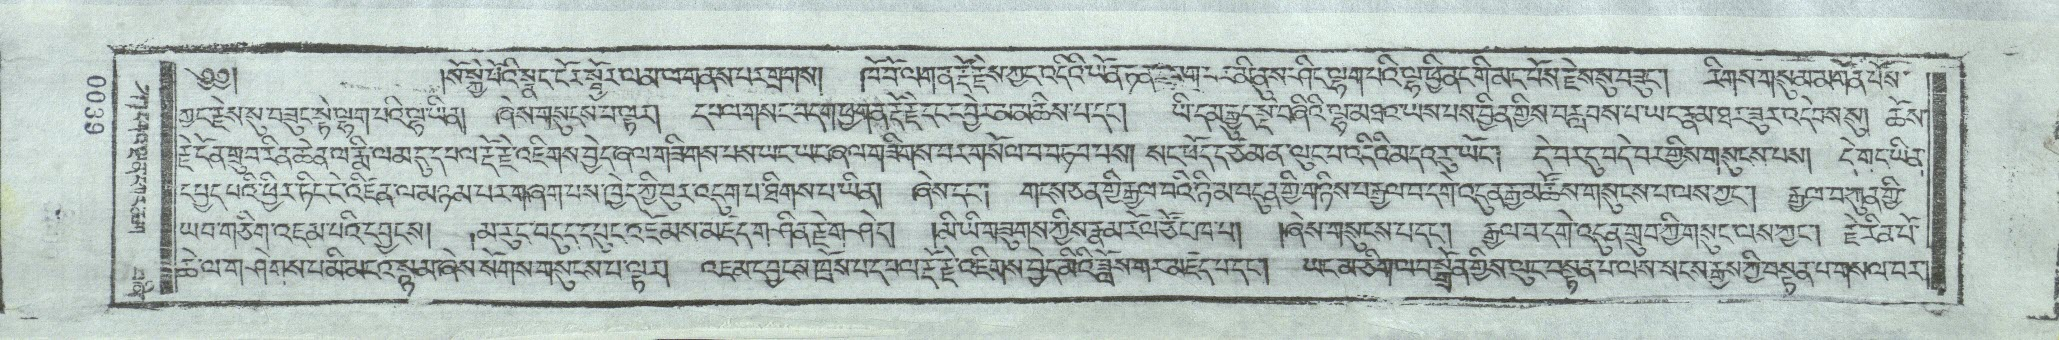༄༅། །སོ་སྐྱེ་པོའི་སྣང་ངོར་སྦྱོར་ལམ་ལ་གནས་པར་གྲགས། ཁོ་བོ་ལག་ན་རྡོ་རྗེས་ཀྱང་འདིའི་ཡོན་ཏན་དཔག་པར་མི་ནུས་ཤིང་ལྷག་པའི་ལྷ་ཕྱི་ནང་གི་མང་པོས་རྗེས་སུ་བཟུང་། རིགས་གསུམ་མགོན་པོས་
ཀྱང་རྗེས་སུ་བཟུང་སྟེ་ལྷག་པའི་ལྷ་ཡིན། ཞེས་གསུངས་པ་ལྟར། དཔལ་གསང་བདག་ཕྱག་ན་རྡོ་རྗེ་དང་དབྱེར་མ་མཆིས་པ་དང་། ཡི་དམ་རྒྱུད་སྡེ་བཞིའི་ལྷ་མཐའ་ཡས་པས་བྱིན་གྱིས་བརླབས་པ་ཡང་རྣམ་ཐར་ཟུར་འདེབས་སུ། ཆོས་
རྗེ་དོན་གྲུབ་རིན་ཆེན་ལ་རྨི་ལམ་དུ་དཔལ་རྡོ་རྗེ་འཇིགས་བྱེད་ཞལ་གཟིགས་པས་ཡང་ཡང་ཞལ་གཟིགས་པར་གསོལ་བ་བཏབ་པས། སང་ཕོད་ད་ཙམ་ན་ལུང་པ་འདིའི་མདའ་རུ་ཡོང་། དེ་བར་དུ་བདེ་བར་གྱིས་གསུངས་པས། དེ་གང་ཡིན་
དཔྱད་པའི་ཕྱིར་ཏིང་ངེ་འཛིན་ལ་མཉམ་པར་གཞག་པས་ཁྱེད་ཀྱི་བུར་འདུག་པ་ཐིགས་པ་ཡིན། ཞེས་དང་། གངས་ཅན་གྱི་རྒྱལ་བའི་ཉི་མ་བདུན་གྱི་གཉིས་པ་རྒྱལ་བ་དགེ་འདུན་རྒྱ་མཚོས་གསུངས་པ་ལས་ཀྱང་། རྒྱལ་བ་ཀུན་གྱི་
ཡབ་གཅིག་འཇམ་པའི་དབྱངས། །མ་རུང་བདུད་དཔུང་འཇོམས་མཛད་གཤིན་རྗེ་གཤེད། །མི་ཡི་གཟུགས་ཀྱིས་རྣམ་རོལ་ཙོང་ཁ་པ། །ཞེས་གསུངས་པ་དང་། རྒྱལ་བ་དགེ་འདུན་གྲུབ་ཀྱི་གསུང་ལས་ཀྱང་། རྗེ་རིན་པོ་
ཆེ་ལ་གཤེགས་པ་མི་མངའ་སྙམ་ཞེས་སོགས་གསུངས་པ་ལྟར། འཇམ་དབྱངས་ཁྲོས་པ་དཔལ་རྡོ་རྗེ་འཇིགས་བྱེད་མིའི་ཟློས་གར་མཛད་པ་དང་། ཡང་མ་ཅིག་ལབ་སྒྲོན་གྱིས་ལུང་བསྟན་པ་ལས་སངས་རྒྱས་ཀྱི་བསྟན་པ་གསལ་བར་